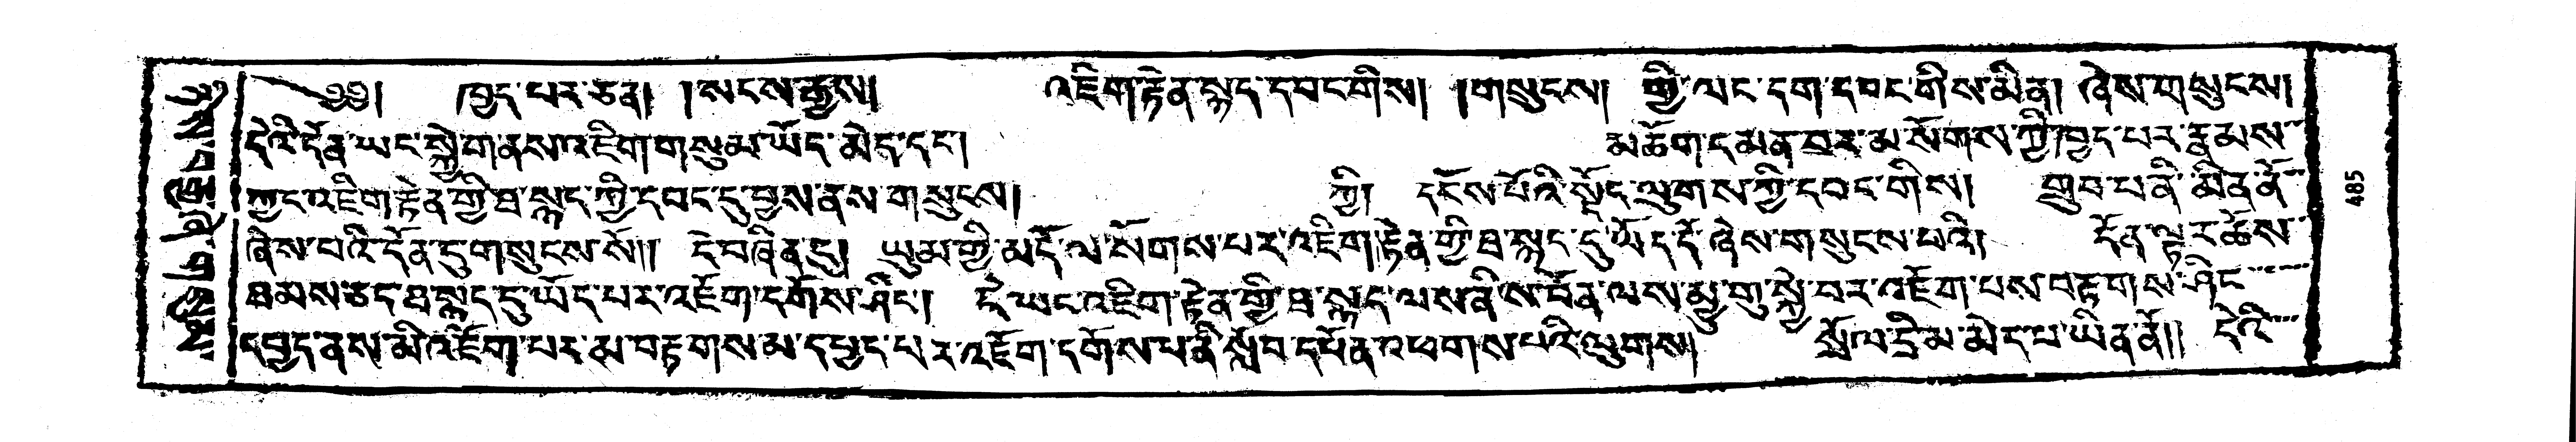༄༅། །ཁྱད་པར་ཅན། །སངས་རྒྱས། འཇིག་རྟེན་སྙད་དབང་གིས། །གསུངས། གྱི་ལང་དག་དབང་གིས་མིན། ཞེས་གསུངས།
དེའི་དོན་ཡང་སྐྱེ་གནས་འཇིག་གསུམ་ཡོད་མེད་དང་། མཆོག་དམན་བར་མ་སོགས་ཀྱི་ཁྱད་པར་རྣམས་
ཀྱང་འཇིག་རྟེན་གྱི་ཐ་སྙད་ཀྱི་དབང་དུ་བྱས་ནས་གསུངས། ཀྱི། དངོས་པོའི་སྡོང་ལུགས་ཀྱི་དབང་གིས། གྲུབ་པ་ནི་མིན་ནོ་
ཞེས་པའི་དོན་དུ་གསུངས་སོ། །དེ་བཞིན་དུ། ཡུམ་གྱི་མདོ་ལ་སོགས་པར་འཇིག་རྟེན་གྱི་ཐ་སྙད་དུ་ཡོད་དོ་ཞེས་གསུངས་པའི། དོན་ལྟར་ཆོས་
རྠམས་ཅད་ཐ་སྙད་དུ་ཡོད་པར་འཇོག་དགོས་ཤིང་། དེ་ཡང་འཇིག་རྟེན་གྱི་ཐ་སྙད་ལས་ནི་ས་བོན་ལས་མྱུ་གུ་སྐྱེ་བར་འཇོག་པས་བརྟགས་ཤིང་
དཔྱད་ནས་མི་འཇོག་པར་མ་བརྟགས་མ་དཔྱད་པར་འཇོག་དགོས་པ་ནི་སློབ་དཔོན་འཕགས་པའི་ལུགས། སྲོལ་དྲི་མ་མེད་པ་ཡིན་ནོ། །དེའི་